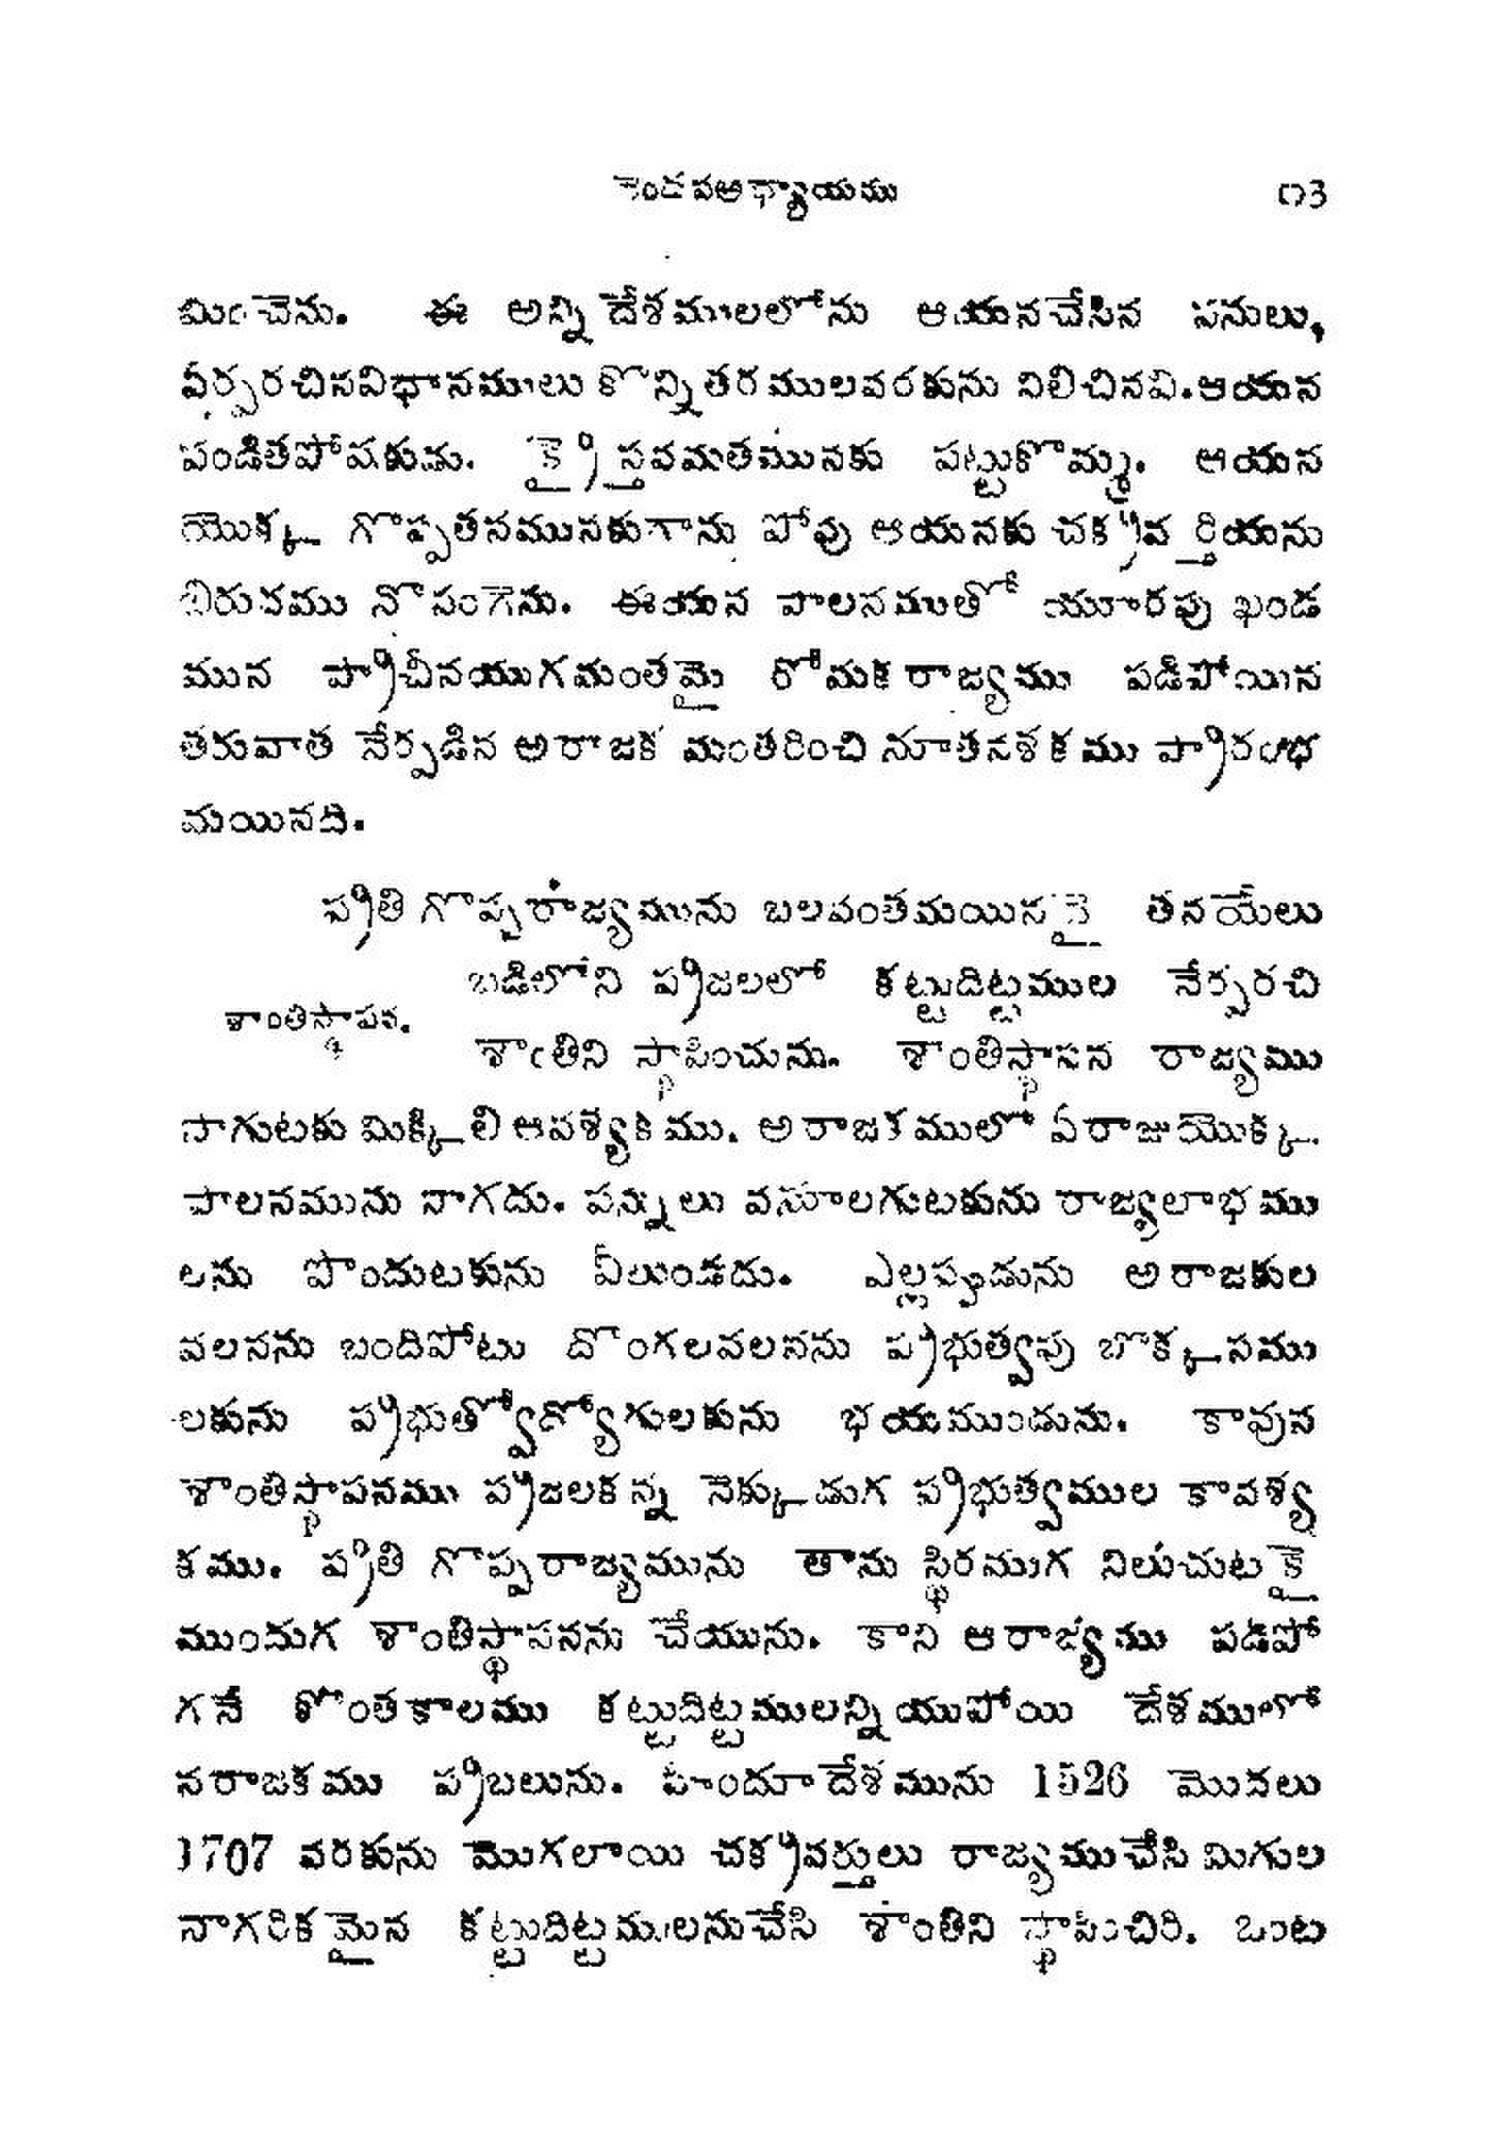మించెను. ఈ అన్ని దేశములలోను ఆయన చేసిన పనులు,
ఏర్పరచిసవిధానములు కొన్ని తరములవరకును నిలిచినవి. ఆయన
'పండిత పోషకుడు. క్రైస్తవమతమునకు పట్టుకొమ్మ. ఆయన
యొక్క గొప్పతనమునకుగాను పోపు ఆయనకు చక్రవ ర్తి యను
బిరుదము నొసంగెను. ఈయన పాలనముతో యూరపు ఖండ
మున ప్రాచీనయుగమంతమై రోమక రారాజ్యము పడిపోయిన
తరువాత నేర్పడిన అరాజక మంతరించి నూతనశకము ప్రారంభ
మయినది.

ప్రతి గొప్ప రాజ్యమును బలవంతమయినదై తనయేలు
బడిలోని ప్రజలలో కట్టుదిట్టముల నేర్పరచి
శాంతిని స్థాపించును. శాంతి స్థాపన రాజ్యము
సాగుటకు మిక్కిలి ఆవశ్యకము. అరాజకములో ఏరాజు యొక్క..
పాలనమును సాగదు. పన్నులు వసూలగుటకును రాజ్యలాభము
ను పొందుటకును వీలుండదు. ఎల్లప్పుడును అరాజకుల
వలనసు బందిపోటు దొంగలవలనను ప్రభుత్వపు బొక్కసము
లకును ప్రభుత్వోద్యోగులకును భయముండును. కావున
శాంతిసాపనము, ప్రజలకన్న నెక్కుడుగ ప్రభుత్వముల కావశ్య
కము. ప్రతి గొప్ప రాజ్యమును తాను స్థిరముగ నిలుచుట కై
ముందుగ శాంతిస్థాసనను చేయును. కాని ఆ రాజ్యము పడిపో
గనే కొంత కాలము కట్టుదిట్టములన్నియు పోయి దేశములో
నరాజకము ప్రబలును. హిందూ దేశమును 1526 మొదలు
1707 వరకును మొగలాయి చక వర్తులు రాజ్యము చేసి మిగుల
నాగరికమైన కట్టుదిట్టములను చేసి శాంతిని స్థాపించిరి. ఒంట